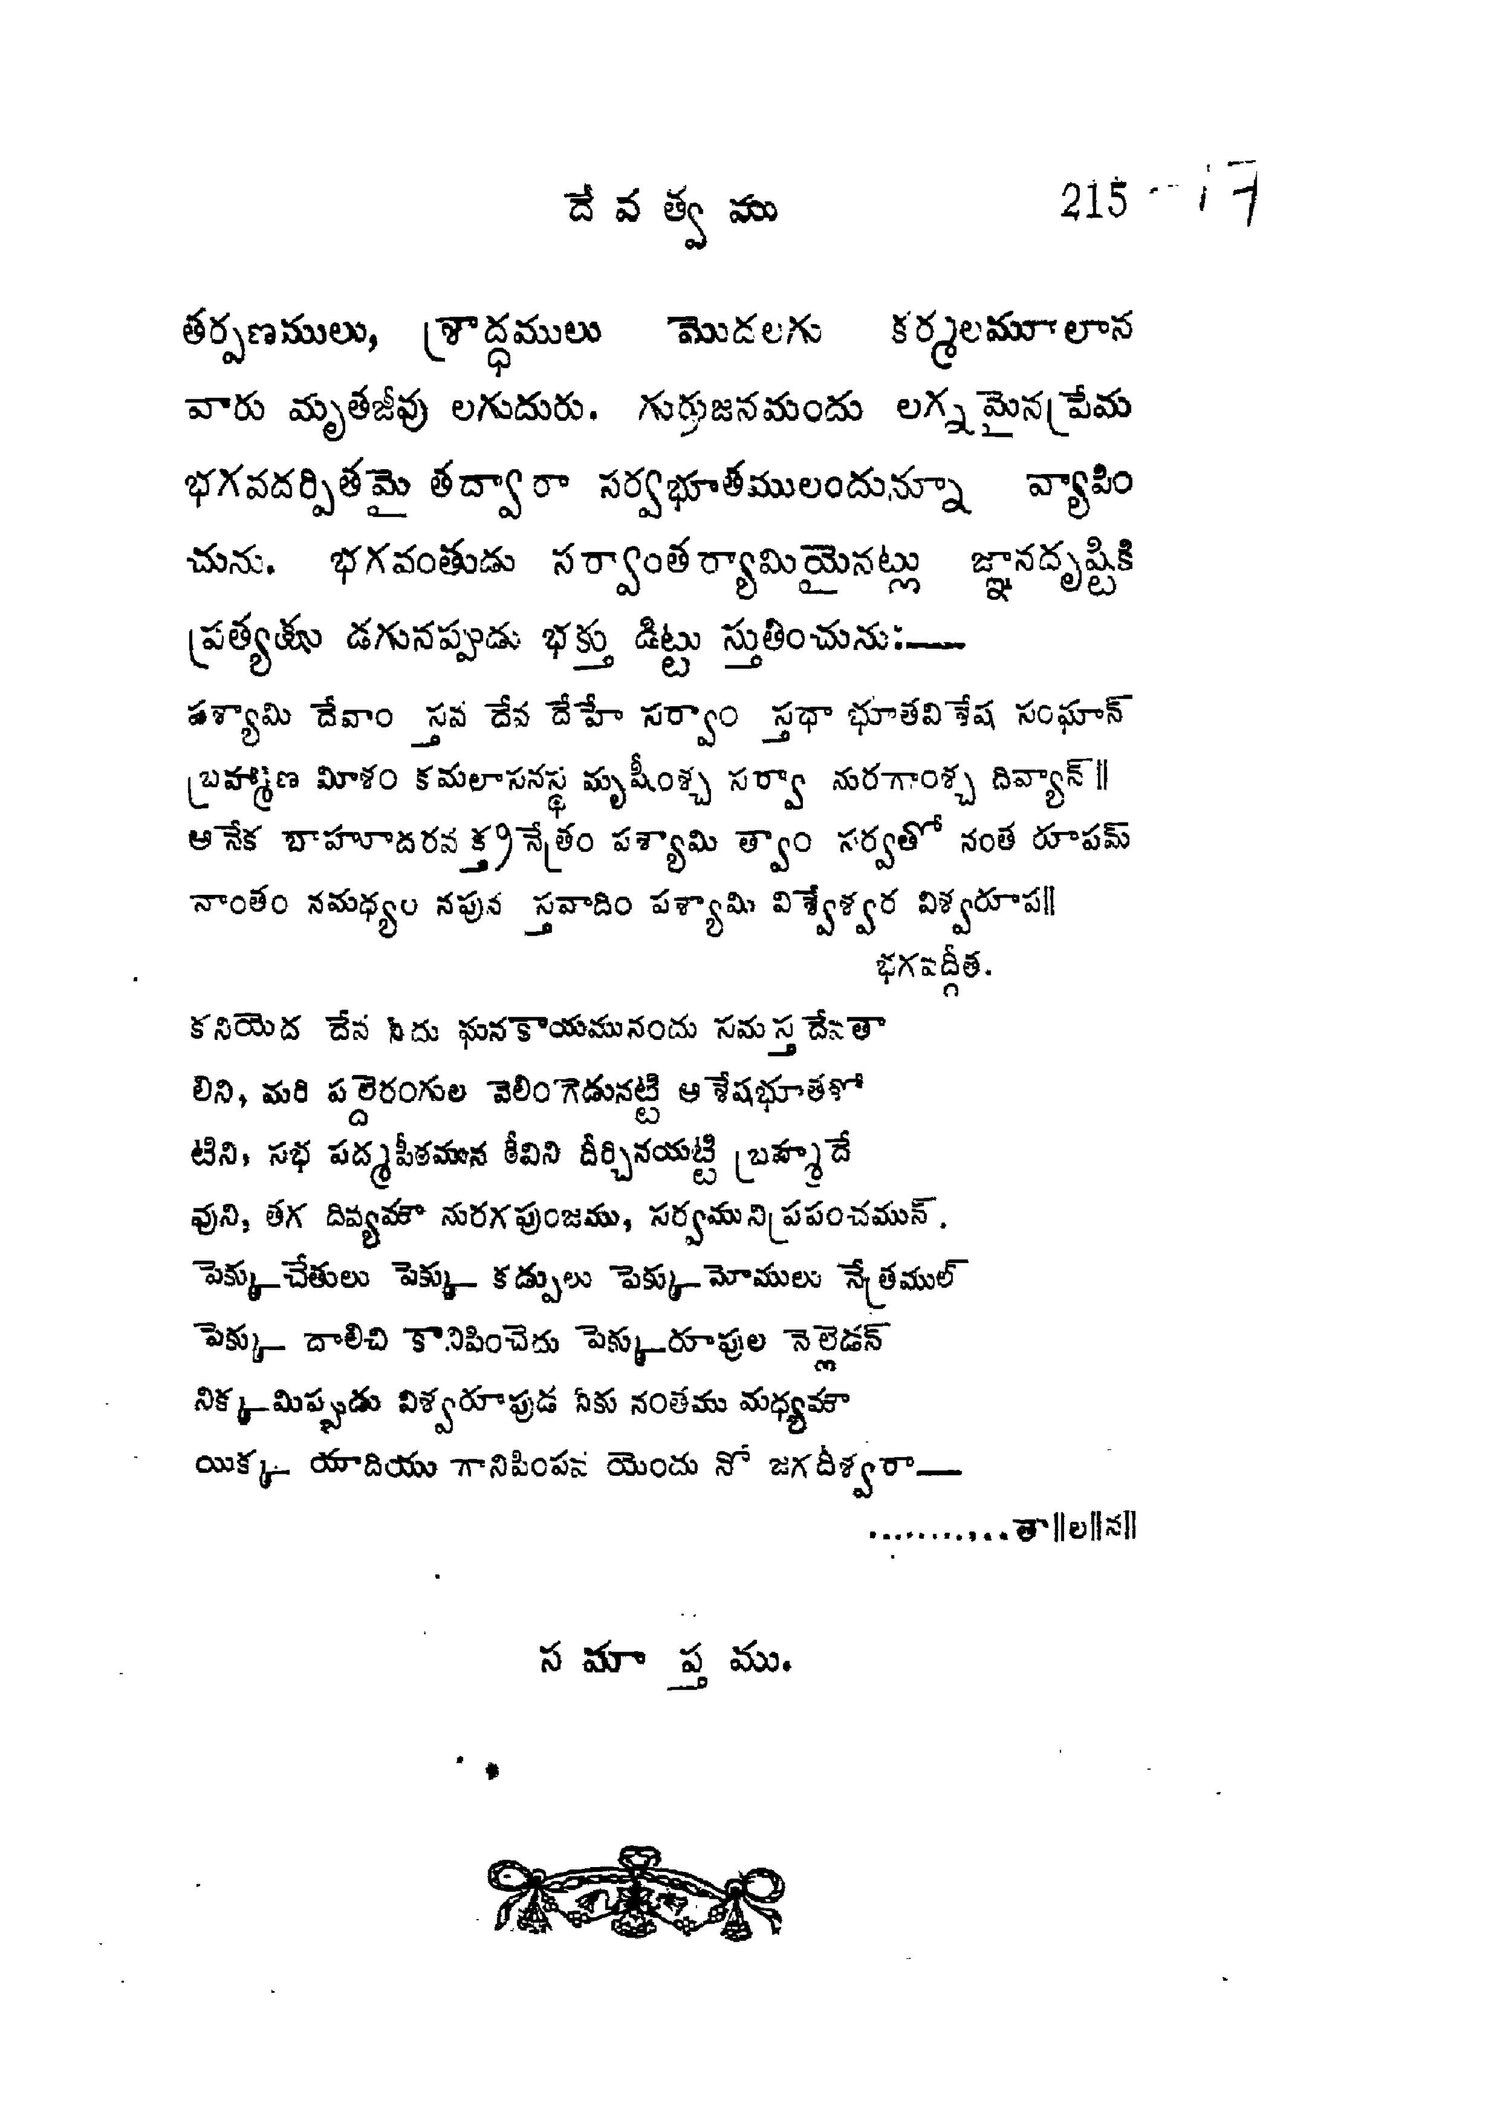తర్పణములు, శ్రాద్ధములు మొదలగు కర్మలమూలాన వారు మృతజీవు లగుదురు. గురుజనమందు లగ్నమైనప్రేమ భగవదర్పితమై తద్వారా సర్వభూతములందున్నూ వ్యాపించును. భగవంతుడు సర్వాంతర్యామియైనట్లు జ్ఞానదృష్టికి ప్రత్యక్షు డగునప్పుడు భక్తు డిట్టు స్తుతించును : _

 పశ్యామి దేవాం స్తవ దేవ దేహే సర్వాం స్తథా భూతవిశేష సంఘాన్
 బ్రహ్మాణ మీశం కమలాసనస్థ మృషీంశ్చ సర్వా సురగాంశ్చ దివ్యాన్||
 అనేక బాహూదరవక్త్రనేత్రం పశ్యామి త్వాం సర్వతో నంత రూపమ్
 నాంతం నమధ్యం నపున స్తనాదిం పశ్యామి విశ్వేశ్వర విశ్వరూప|
 భగవద్గీత.
 కనియెద దేన నీదు ఘనకాయమునందు సమస్త దేవతా
 లిని, మరి పల్దెరంగుల వెలింగెడునట్టి అశేషభూతకో
 టిని, సభ పద్మపీఠమున ఠీవిని దీర్చినయట్టి బ్రహ్మదే
 వుని, తగ దివ్యమౌ నురగపుంజము, సర్వమునిప్రపంచమున్.

 పెక్కుచేతులు పెక్కు కడ్పులు పెక్కు మోములు నేత్రముల్
 పెక్కు దాలిచి కానిపించెదు పెక్కురూపుల నెల్లెడన్
 నిక్కమిప్పుడు విశ్వరూపుడ నీకు నంతము మధ్యమౌ
 యిక్క యాదియు గానిపింపన యెందు నో జగదీశ్వరా -
 ..................తా||ల||న||